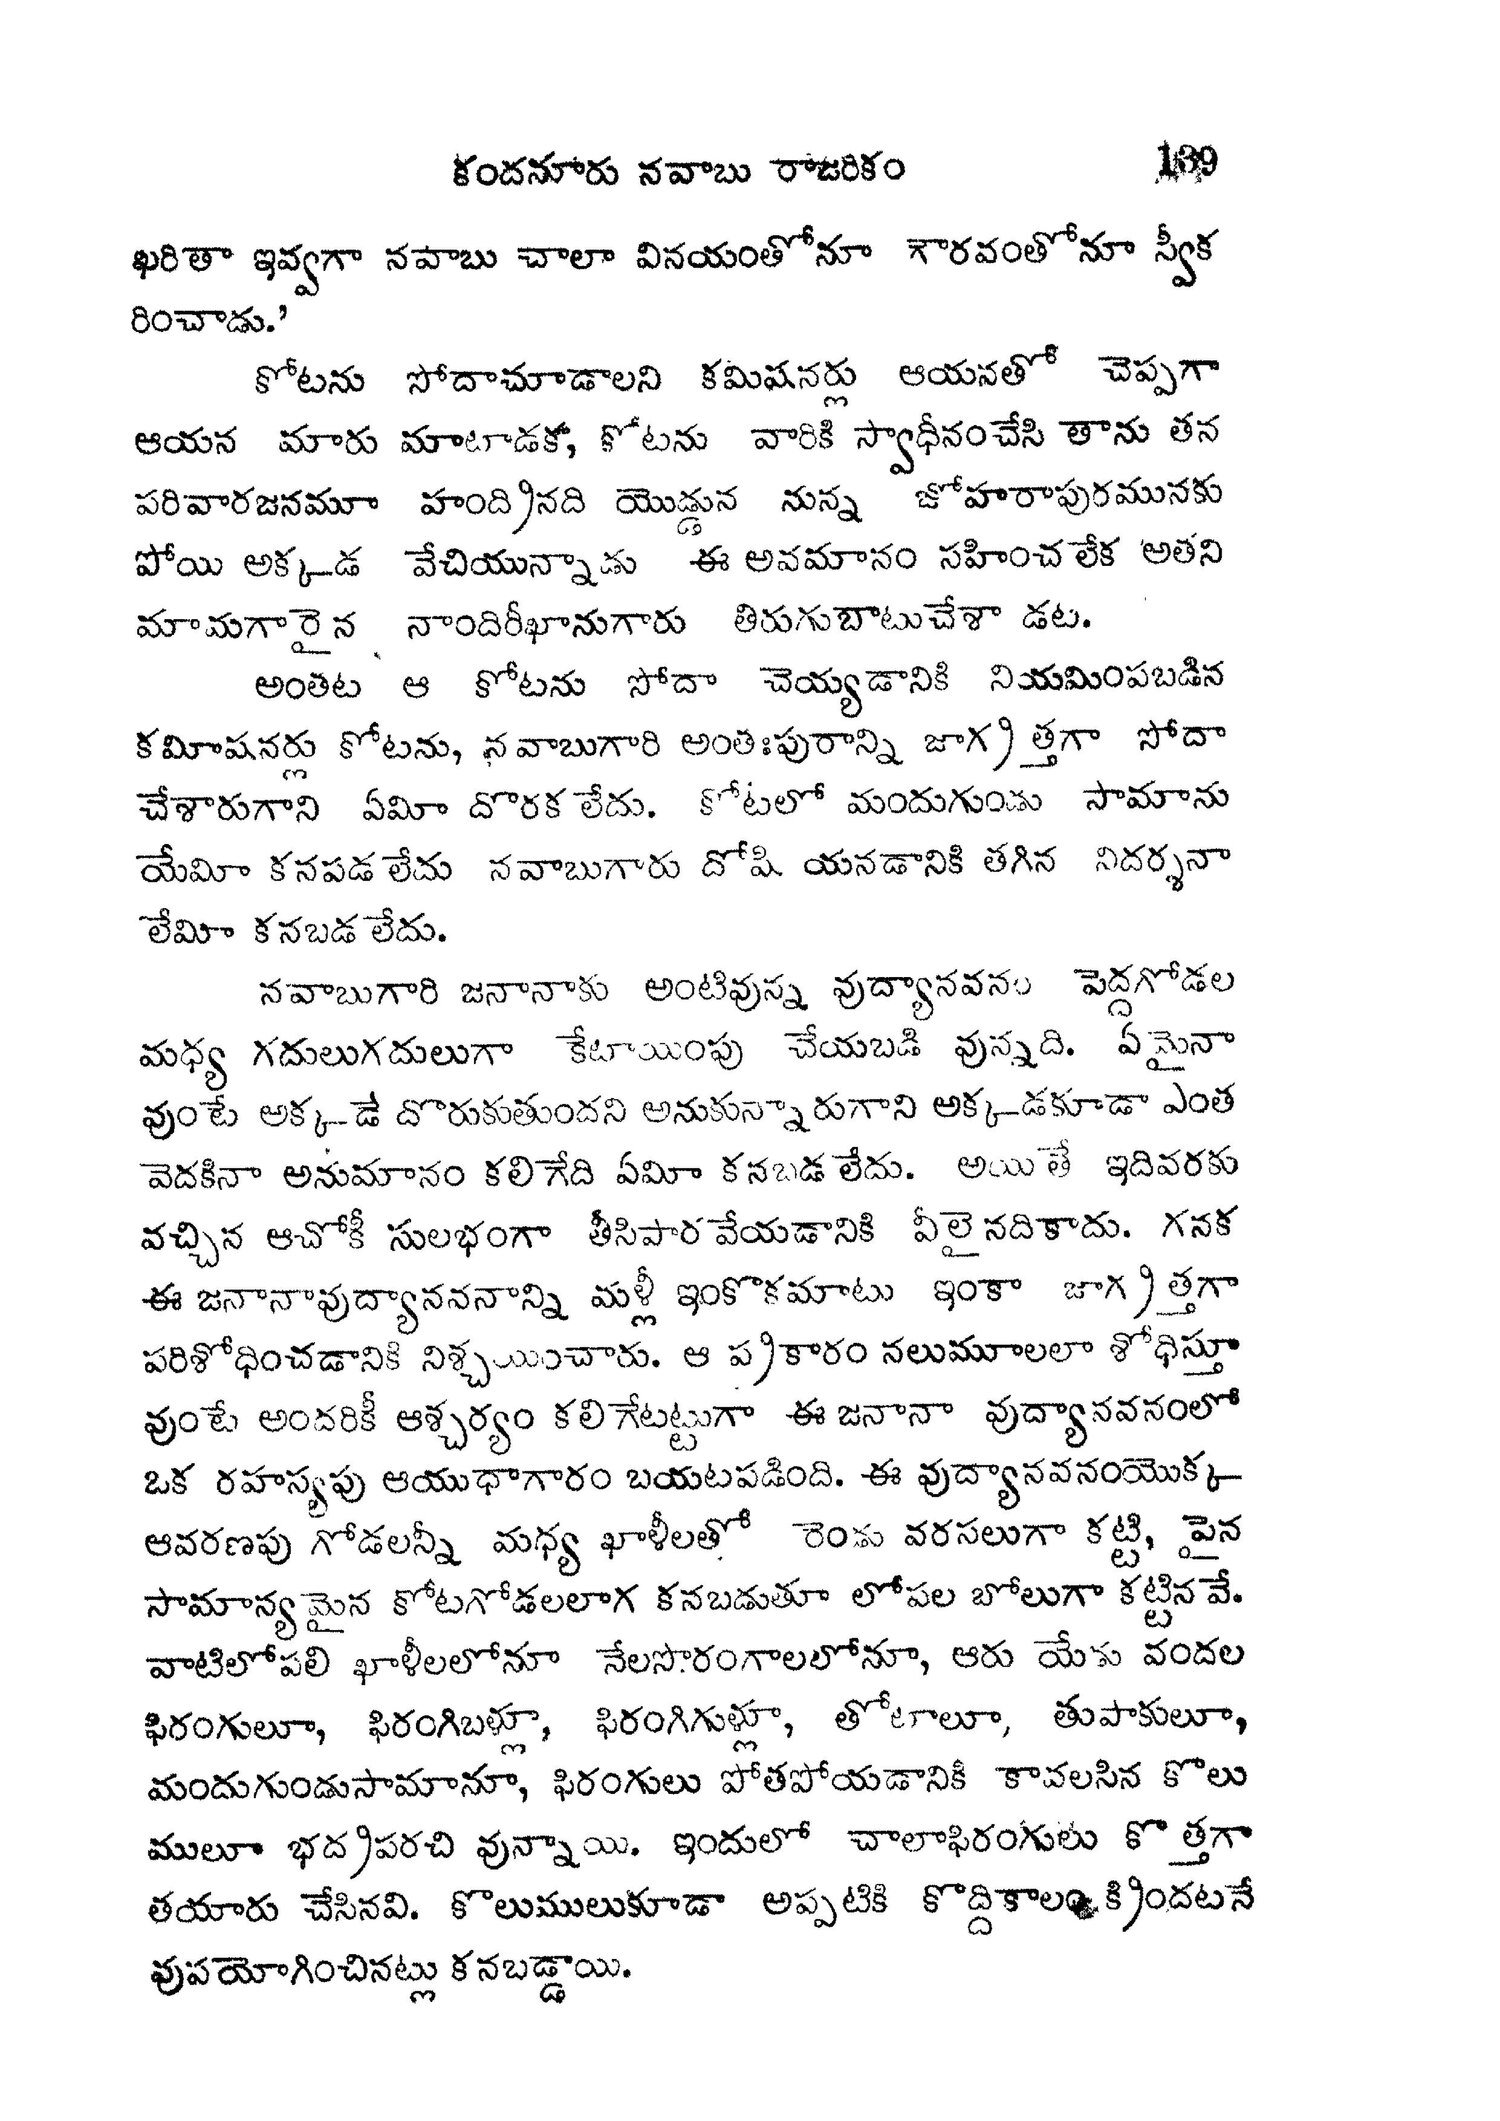ఖరితా ఇవ్వగా నవాబు చాలా వినయంతోనూ గౌరవంతోనూ స్వీకరించాడు.'

కోటను సోదాచూడాలని కమిషనర్లు ఆయనతో చెప్పగా ఆయన మారు మాటాడక, కోటను వారికి స్వాధీనంచేసి తాను తన పరివారజనమూ హంద్రినది యుడ్డున నున్న జోహరాపురమునకు పోయి అక్కడ వేచియున్నాడు. ఈ అవమానం సహించలేక అతని మామగారైన నాందిరీఖానుగారు తిరుగుబాటుచేశాడట.

అంతట ఆ కోటను సోద చెయ్యడానికి నియమింపబడిన కమీషనర్లు కోటను, నవాబుగారి అంత:పురాన్ని జాగ్రత్తగా సోదా ఛెశారుగాని ఏమీ దొరకలేదు. కోటలో మందుగుండు సామానుయేమీ కనపడలేదు. నవాబుగారు దోషి యనడానికి తగిన నిదర్శనాలేమీ కనబడలేదు.

నవాబుగారి జనానాను అంటివున్న వుద్యానవనం పెద్దగోడల మధ్య గదులుగదులుగా కేటాయింపు చేయబడి వున్నది. ఏమైనావుంటే అక్కడే రొదుకుతుందని అనుకున్నారుగాని అక్కడకూడాఎంత వెదకినా అనుమానం కలిగేది ఏమీ కనబడలేదు. అయితే ఇదివరకు వచ్చిన ఆచూకీ సులభంగా తీసిపారేయడానికి వీలైనదికాదు. గనక ఈ జనానావుద్యానవనాన్ని మళ్లీ ఇంకొకమాటు ఇంకా జాగ్రత్తగా పరిశోధించడానికి నిశ్చయించారు. ఆ ప్రకారం పలుమూలలా శోధిస్తూ వుంటే అందరికీ ఆశ్చర్యం కలితేటట్టుగా ఈజనానా వుద్యానవనంలో ఒక రహస్యపు ఆయుధాగారం బయటపడింది. ఈ వుద్యానవనంయొక్క ఆవరణపు గోడలన్నీ మధ్య ఖాళీలతో రెండు వరసలుగా కట్టి, పైన సామాన్యమైన కోటగోడలలాగ కనబడుతూ లోపల బోలుగా కట్టినవే. వాటిలోపలి ఖాళీలలోనూ నేలసొరంగాలలోనూ, ఆరు యేడు వందల ఫిరంగులూ, ఫిరంగిబళ్లూ, ఫిరంగిగుళ్లూ, తోటాలూ, తుపాకులూ, మందుగుండుసామానూ, ఫిరంగులు పోతపోయడానికి కావలసిన కొలుములూ భద్రపరచి వున్నాయి. ఇందులో చాలా ఫిరంగులు కొత్తగా తయారు చేసినవి. కొలుములుకూడా అప్పటికి కొద్దికాలంక్రిందటనే వ్యుపయోగించినట్లు కనబడ్డాయి.